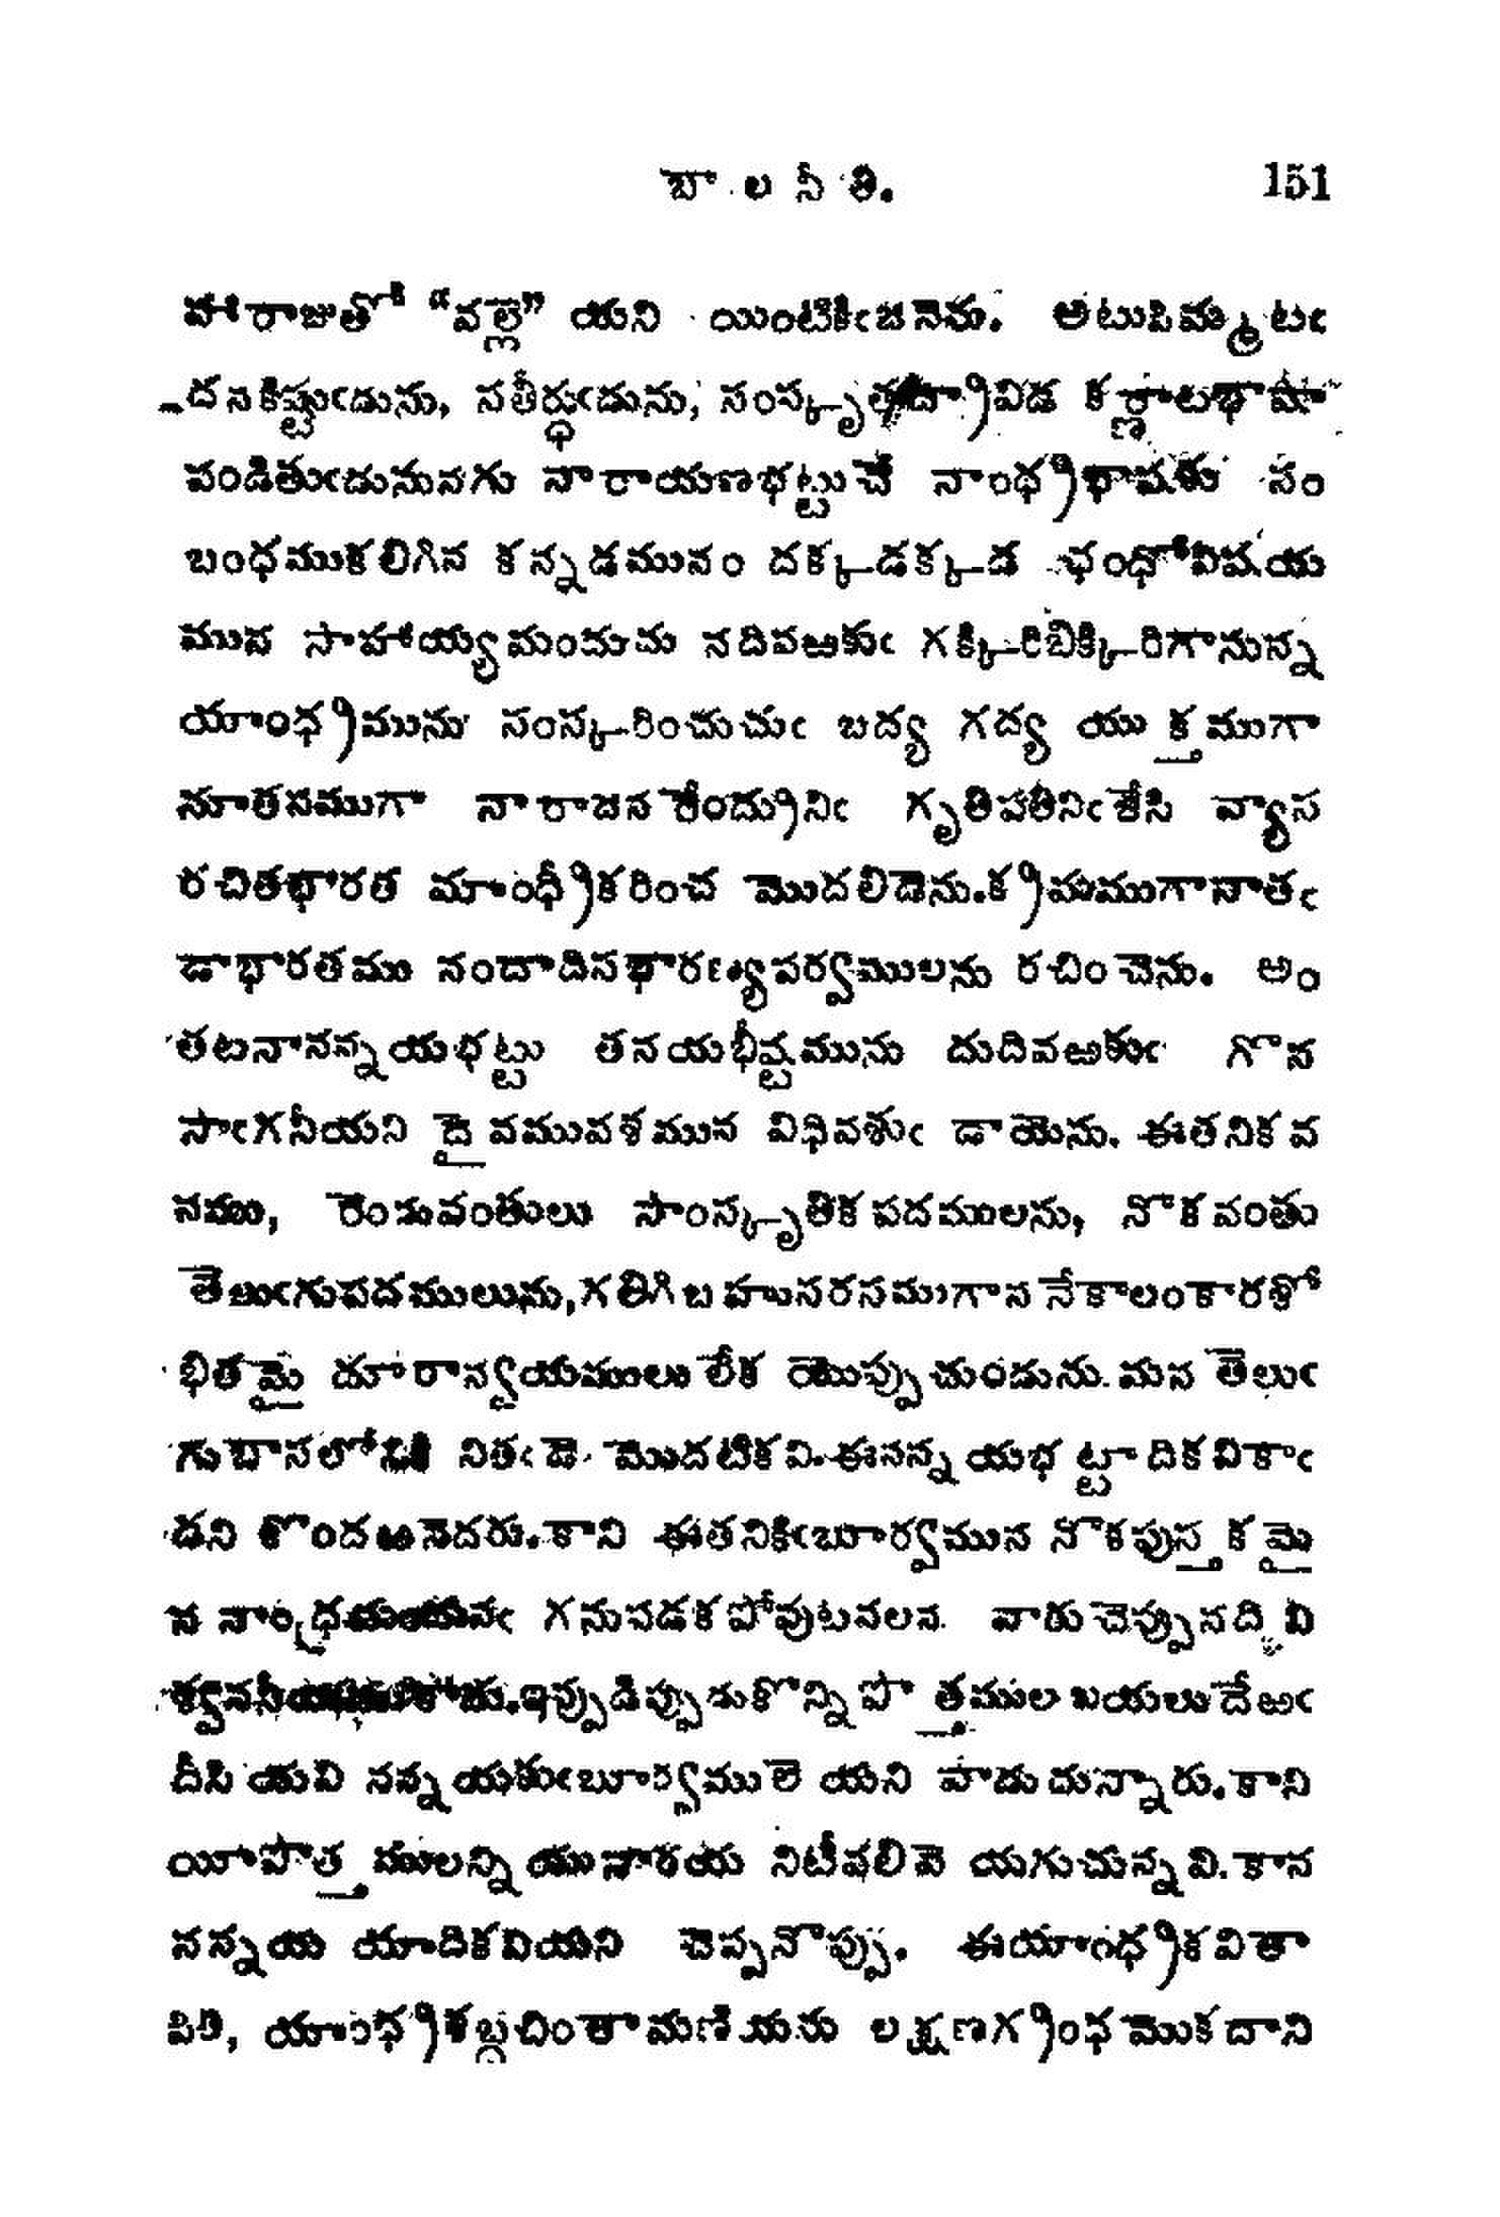హారాజుతో "వల్లె" యని యింటికిఁజనెను. అటుపిమ్మటఁ 
దనకిష్టుఁడును, సతీర్ధుఁడును, సంస్కృతద్రావిడ కర్ణాటభాషా
పండితుఁడునునగు నారాయణభట్టుచే నాంధ్రభాషకు సం
బంధముకలిగిన కన్నడమునం దక్కడక్కడ చంధోవిషయ
మున సాహాయ్యమందుచు నదివఱకుఁ గక్కిరిబిక్కిరిగానున్న 
యాంధ్రమును సంస్కరించుచుఁ బద్య గద్య యుక్తముగా 
నూతనముగా నారాజనరేంద్రునిఁ గృతిపతినిఁజేసి వ్యాస
రచితభారత మాంధ్రీకరించ మొదలిడెను. క్రమముగానాతఁ
డాభారతము నందాదిసభారణ్యపర్వములను రచించెను. అం
తటనానన్నయభట్టు తనయభీష్టమును దుదివఱకుఁ గొన
సాఁగనీయని దైవవశమున విధివశుఁ డాయెను. ఈతనికవ 
నము, రెండువంతులు సాంస్కృతికపదములను, నొకవంతు 
తెలుఁగుపదములును, గలిగి బహుసరసముగాననేకాలంకారశో
భితమై దూరాన్వయములు లేక యొప్పుచుండును. మన తెలుఁ
గుబాసలోనికి నితఁడె మొదటికవి. ఈనన్నయభట్టాదికవికాఁ
డని కొందఱనెదరు. కాని ఈతనికిఁబూర్వమున నొకపుస్తకమై
న నాంధ్రమందునఁ గనుపడకపోవుటవలన వారుచెప్పునది వి
శ్వసనీయముకాదు. ఇప్పుడిప్పుడుకొన్నిపొత్తముల బయలుదేఱఁ
దీసి యవి నన్నయకుఁబూర్వములె యని వాడుచున్నారు. కాని
యీపొత్తములన్నియునారయ నిటీవలివె యగుచున్నవి. కాన 
నన్నయ యాదికవియని చెప్పనొప్పు. ఈయాంధ్రకవితా
పిత, యాంధ్రశబ్దచింతామణియను లక్షణగ్రంధమొకదాని